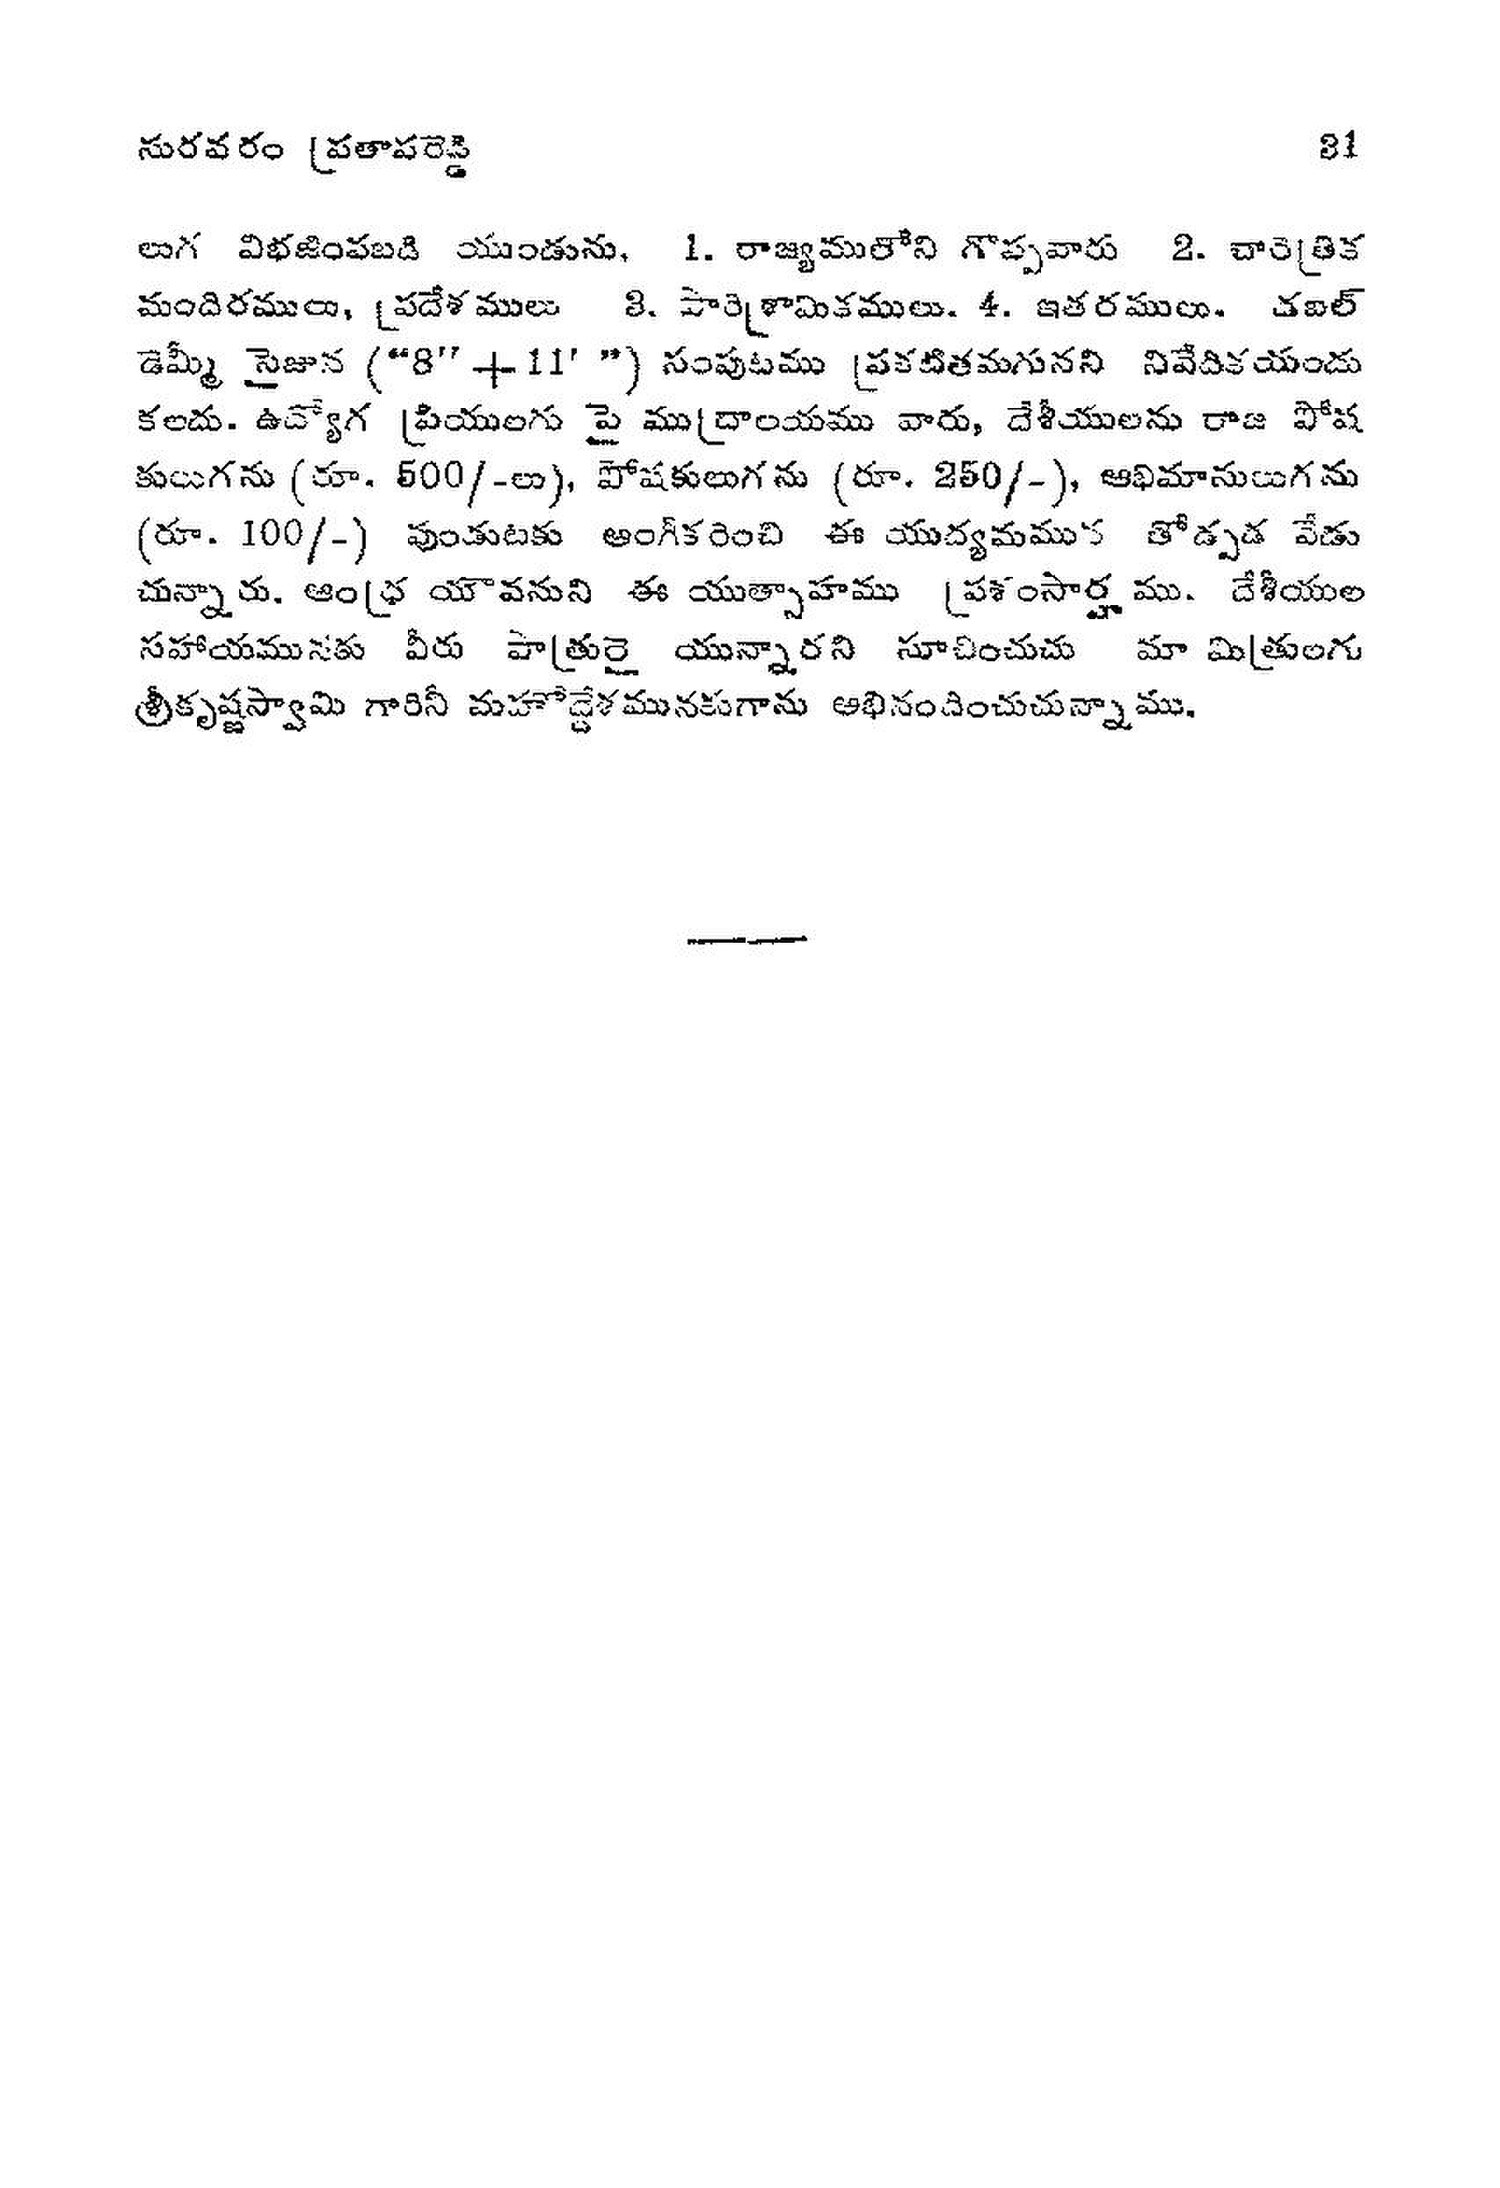లుగ విభజింపబడి యుండును. 1. రాజ్యములోని గొప్పవారు 2, చారిత్రక మందిరములు, ప్రదేశములు 3. పారిశ్రామికములు. 4. ఇతరములు. డబల్ డెమ్మీ సైజున ("8" + 11 ") సంపుటము ప్రకటితమగునని నివేదికయందు
కలదు. ఉద్యోగ ప్రియులగు పై ముద్రాలయము వారు, దేశీయులను రాజ పోషకులుగను (రూ. 500/-లు), పోషకులుగను (రూ.250/-), ఆభిమానులుగను (రూ. 100/-) వుండుటకు అంగీకరించి ఈ యుద్యమమున తోడ్పడ వేడుచున్నారు. ఆంధ్ర యౌవనుని ఈ యుత్సాహము ప్రశంసార్హము. దేశీయుల సహాయమునకు వీరు పాత్రులై యున్నారని సూచించుచు మా మిత్రులగు శ్రీకృష్ణస్వామి గారినీ మహోద్దేశమునకుగాను అభినందించుచున్నాము.